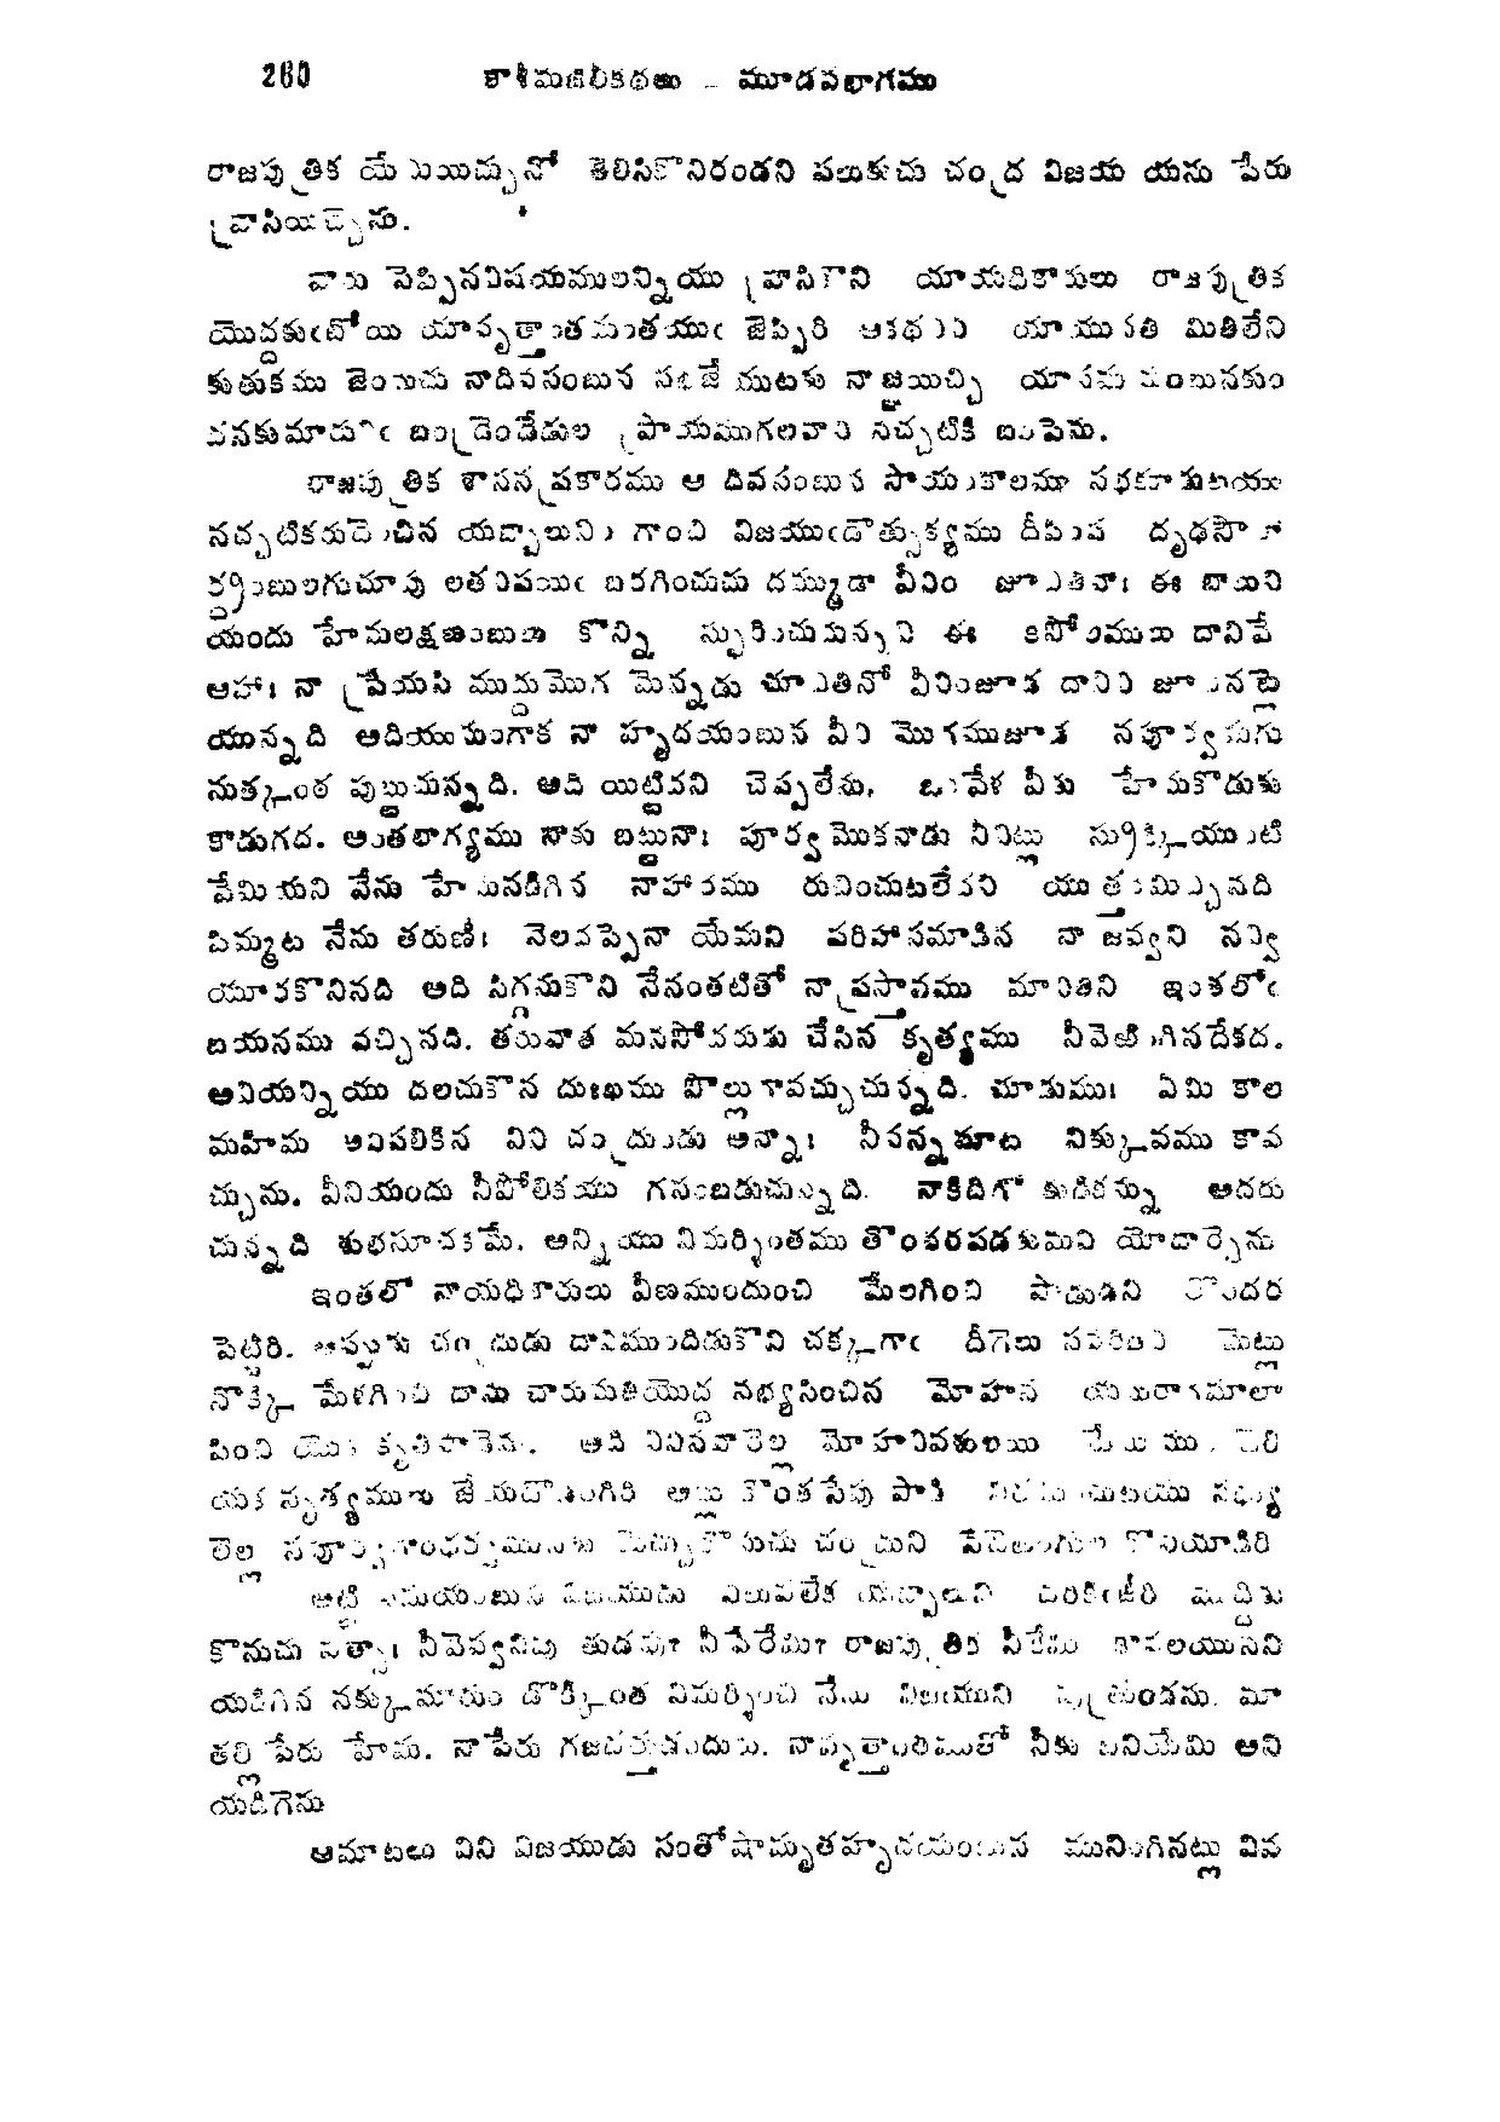రాజపుత్రిక యేమియిచ్చునో తెలిసికొనిరండని పలుకుచు చంద్ర విజయ యసు పేరు వ్రాసియిచ్చెను.

వారు సెప్పిన విషయములన్నియు వ్రాసికొని యాయధికారులు రాజపుత్రిక యొద్దకుఁబోయి యావృత్తాంతమంతయుఁ జెప్పిరి ఆకథవిని యాయువతి మితిలేని కుతుకము జెందుచు నాదివసంబున సభజేయుటకు నాజ్ఞయిచ్చి యాసమయంబునకుం దనకుమారునిఁ బండ్రెండేడుల ప్రాయముగలవాని నచ్చటికి బంపెను.

రాజపుత్రిక శాసనప్రకారము ఆ దివసంబున సాయంకాలము సభకూడుటయు నచ్చటికరుదెంచిన యబ్బాలునిం గాంచి విజయుఁ డౌత్సుక్యము దీపింప దృఢసౌహార్ద్రంబులగుచూపు లతనిపయిఁ బరగించుచు దమ్ముడా వీనిం జూచితివా? ఈ బాలుని యందు హేమలక్షణంబులు కొన్ని స్ఫురించుచున్నవి ఈ కపోలములు దానివే ఆహా! నా ప్రేయసి ముద్దుమొగ మెన్నడు చూచితినో వీనింజూడ దానిని జూచినట్లె యున్నది. అదియునుంగాక నా హృదయంబున వీని మొగముజూడ నపూర్వమగు నుత్కంఠ పుట్టుచున్నది. అది యిట్టిదని చెప్పలేను. ఒకవేళ వీడు హేమకొడుకు కాడుగద. అంతభాగ్యము నాకు బట్టునా! పూర్వ మొకనాడు నీవిట్లు స్రుక్కియుంటి వేమియని నేను హేమనడిగిన నాహారము రుచించుటలేదని యుత్తరమిచ్చినది. పిమ్మట నేను తరుణీ! నెలదప్పెనా యేమని పరిహాసమాడిన నా జవ్వని నవ్వి యూరకొనినది అది సిగ్గనుకొని నేనంతటితో నాప్రస్తావము మానితిని ఇంతలోఁ బయనము వచ్చినది. తరువాత మనసోదరుడు చేసిన కృత్యము నీవెఱింగినదేకద . అవియన్నియు దలచుకొన దుఃఖము పొల్లుగావచ్చుచున్నది. చూడుము! ఏమి కాలమహిమ అనిపలికిన విని చంద్రుండు అన్నా! నీవన్న మాట నిక్కువము కావచ్చును. వీనియందు నీపోలికయు గనంబడుచున్నది. నాకిదిగో కుడికన్ను అదరు చున్నది శుభసూచకమే. అన్నియు విమర్శింతము తొందరపడకుమని యోదార్చెను

ఇంతలో నాయధికారులు వీణముందుంచి మేలగించి పాడుడని తొందర పెట్టిరి. అప్పుడు చంద్రుడు దానిముందిడుకొని చక్కగాఁ దీగెలు సవరించి మెట్లు నొక్కి మేళగించి దాను చారుమతియొద్ద నభ్యసించిన మోహన యనురాగ మాలాపించి యొక కృతిపాడెను. అది వినినవారెల్ల మోహవివశులయి యేమియు దెలియక నృత్యములు జేయదొడంగిరి. అట్లు కొంతసేపు పాడి విరమించుటయు సభ్యులెల్ల నపూర్వగాంధర్వమునకు మెచ్చుకొనుచు చంద్రుని వేదెఱంగుల కొనియాడిరి. 

అట్టి సమయంబున విజయుడు నిలువలేక యబ్బాలుని దరికింజీరి ముద్దిడు కొనుచు వత్సా! నీ వెవ్వనిపుత్రుడవు? నీ పేరేమి? రాజపుత్రిక నీకేమి కావలయునని యడిగిన నక్కుమారుం డొక్కింత విమర్శించి నేను విజయుని పుత్రుండను. మా తల్లి పేరు హేమ. నాపేరు గజదత్తుడందురు. నావృత్తాంతముతో నీకు బనియేమి అని యడిగెను

ఆమాటలు విని విజయుడు సంతోషామృతహృదయంబున మునింగినట్లు వివ